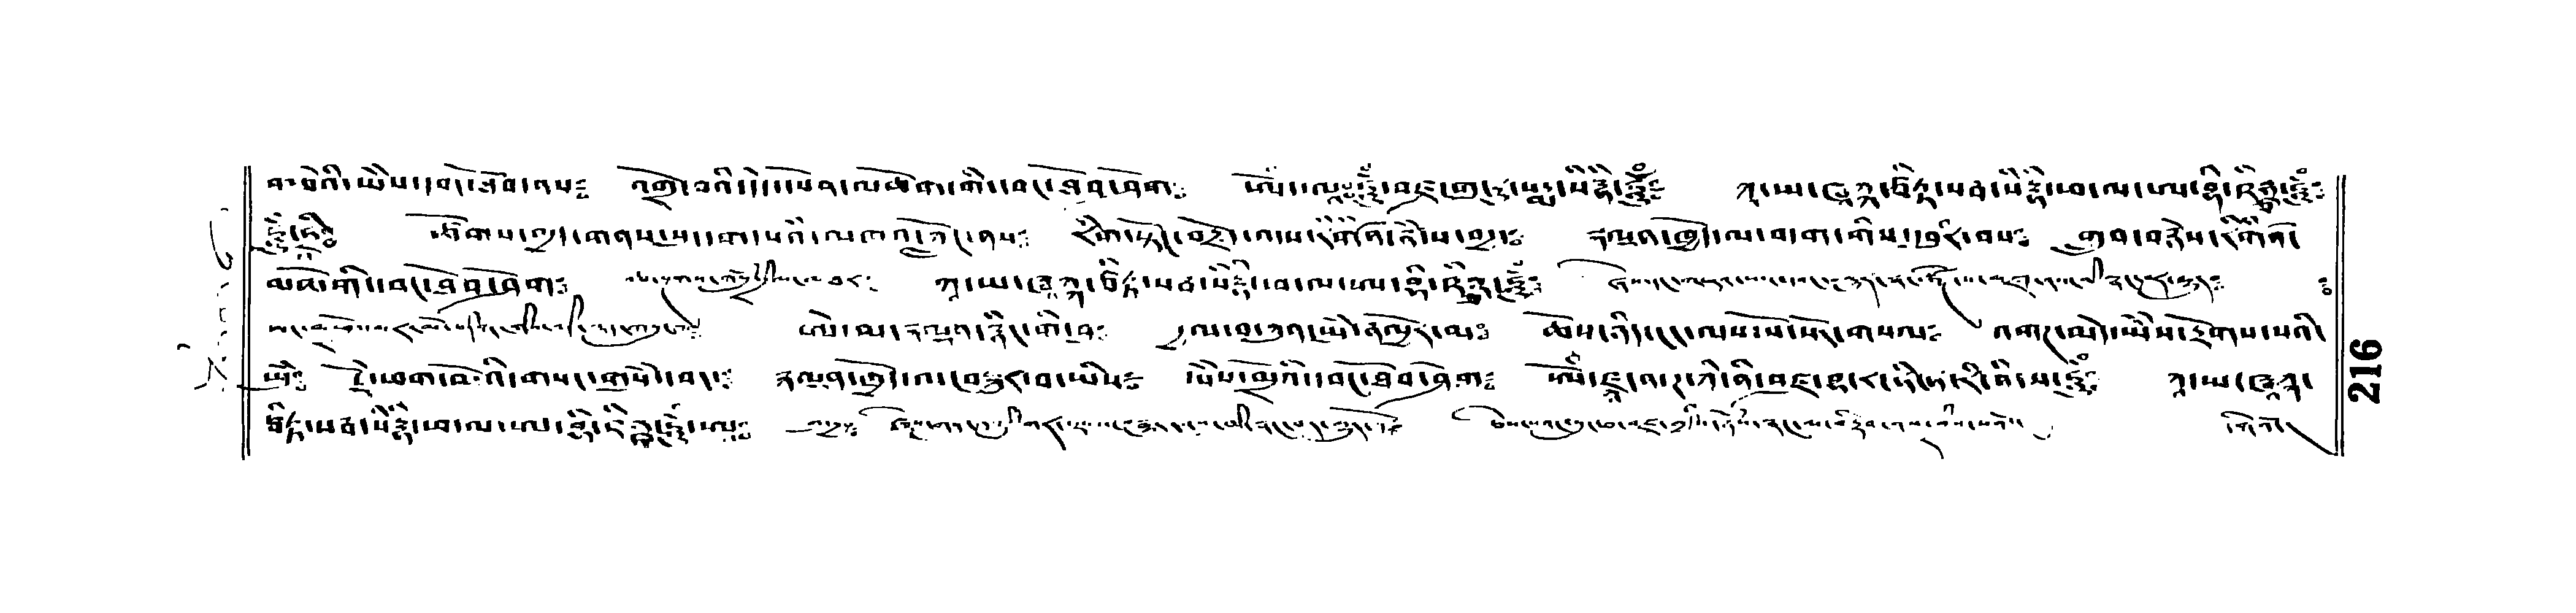བརྩེའི་ཡེ་ཤེས་དབང་ཐོབ་ནས༔ འགྲོ་བའི་དེད་དཔོན་མཆོག་གི་དབང་ཐོབ་ཤོག༔ ཨོཾ་ཨཱཿཧཱུྃ་བཛྲ་གུ་རུ་པདྨ་སིདྡྷི་ཧཱུྃ༔ ཀཱ་ཡ་ཝཱཀྐ་ཙིཏྟ་སརྦ་སིདྡྷི་ཕ་ལ་ཨ་བྷི་རིཉྩ་ཧཱུྃ༔ 
ཧཱུྃ་ཧྲཱིཿ ཚོགས་བརྒྱད་གནས་སུ་དག་པའི་མཁའ་ཀློང་ནས༔ རིག་སྟོང་བརྗོད་འདས་རིག་འཛིན་རྣམ་པ་བརྒྱད༔ སྐལ་ལྡན་ཁྱོད་ལ་བདག་གིས་དབང་བསྐུར་བས༔ གྲུབ་བརྙེས་རིག་འཛིན་
མཆོག་གི་དབང་ཐོབ་ཤོག༔ རྩ་སྔགས་གསུམ་དྲིལ་མཐར༔ ཀཱ་ཡ་ཝཱཀྐ་ཙིཏྟ་སརྦ་སིདྡྷི་ཕ་ལ་ཨ་བྷི་རིཉྩ་ཧཱུྃ༔ ཞེས་དང་གཞན་ཡང་དབང་བསྐུར་སྣ་ཚོགས་པ་མཛད་ནས་མི་སྣང་བར་གྱུར༔ 
ཡང་མཁའ་འགྲོ་དམར་མོ་ཞིག་གིས་འདི་སྐད་གསུངསཿ ཨེ་མ་སྐལ་ལྡན་སྙིང་གི་བུ༔ རྒྱལ་བ་ཀུན་ཡུམ་རྣལ་འབྱོར་མ༔ ཆོས་ཉིད་ངང་ལས་སོ་སོར་གསལ༔ འགག་མེད་ཡེ་ཤེས་རྟོགས་པའི་
ཡུམ༔ རྡོ་རྗེ་ཕག་མོའི་གསང་གསུམ་དབང༔ སྐལ་ལྡན་ཁྱོད་ལ་བསྐུར་བ་ཡིས༔ ཡེ་ཤེས་མཁའ་འགྲོའི་དབང་ཐོབ་ཤོག༔ ཨོཾ་ཛྙཱ་ན་ཌཱ་ཀི་ནི་བཛྲ་བྷ་ར་ཧི་ཧ་རི་ནི་ས་ཧཱུྃ༔ ཀཱ་ཡ་
ཝཱཀྐ་ཙིཏྟ་སརྦ་སིདྡྷི་ཕ་ལ་ཨ་བྷི་རིཉྩ་ཧཱུྃ་ཨཱཿ གུ་ཧྱ༔ ཞེས་གསུངས་སྐུའི་གར་སྟབས་བསྒྱུར་ནས་མི་སྣང་བར་གྱུར་ཏོ༔ ཅེས་པའང་སུ་ཁ་བཛྲ་གྱིས་ཉམས་སྣང་ལ་བརྟེན་ནས་བྲིས་པའོ།། དགེའོ།།